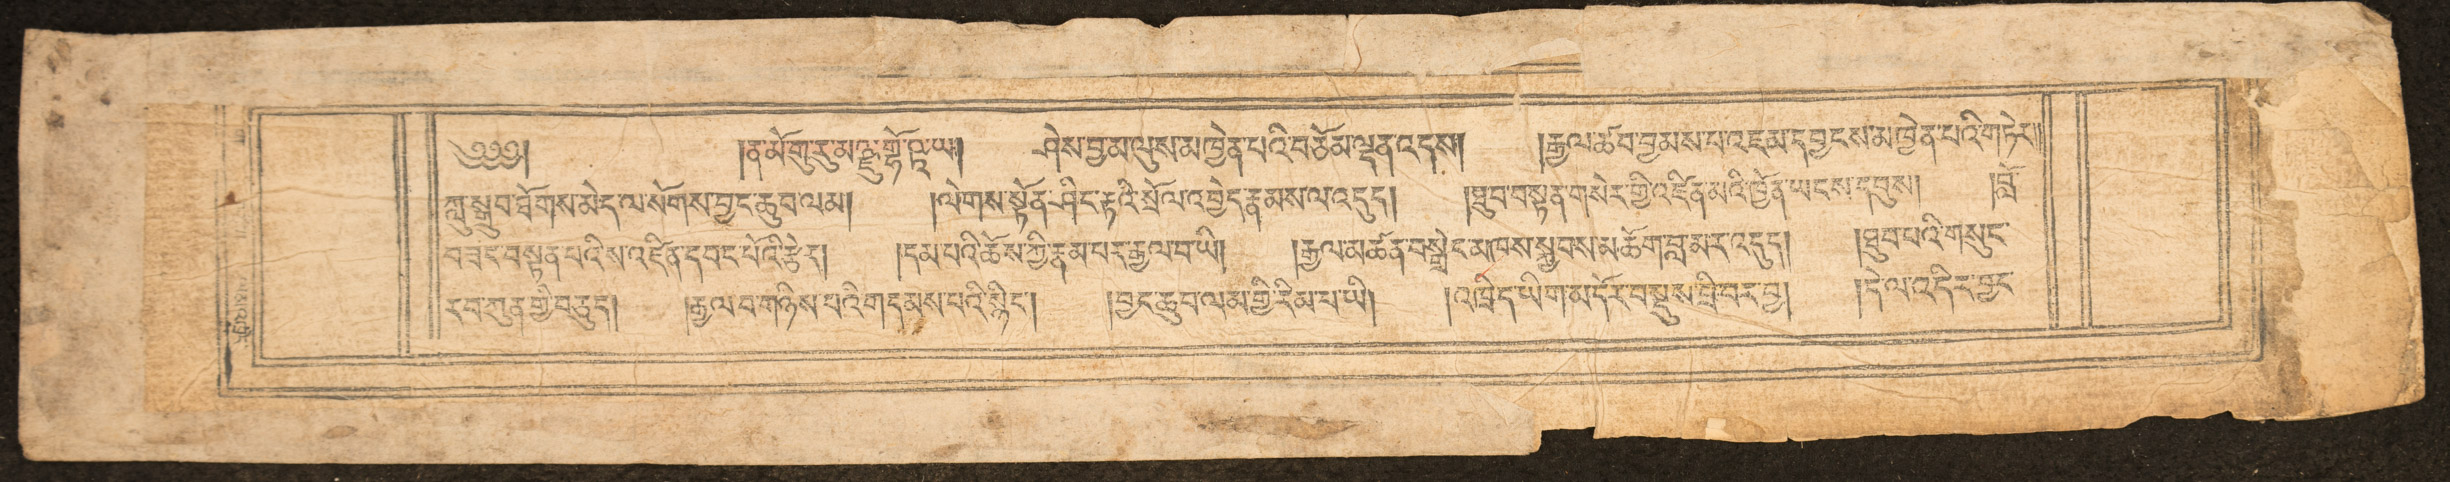༄༅༅། །ན་མོ་གུ་རུ་མཉྫུ?་གྷོ་ཥཱཡ། ཤེས་བྱ་མ་ལུས་མཁྱེན་པའི་བཅོམ་ལྡན་འདས། །རྒྱལ་ཚབ་བྱམས་པ་འཇམ་དབྱངས་མཁྱེན་པའི་གཏེར།།
ཀླུ་སྒྲུབ་ཐོགས་མེད་ལ་སོགས་བྱང་ཆུབ་ལམ། །ལེགས་སྟོན་ཤིང་རྟའི་སྲོལ་འབྱེད་རྣམས་ལ་འདུད། །ཐུབ་བསྟན་གསེར་གྱི་འཛིན་མའི་ཁྱོན་ཡང་དབུས། །བློ་
བཟང་བསྟན་པའི་ས་འཛིན་དབང་པོའི་རྩེར། །དམ་པའི་ཆོས་ཀྱི་རྣམ་པར་རྒྱལ་བ་ཡི། །རྒྱལ་མཚན་བསྒྲེང་མཁས་སྐྱབས་མཆོག་བླ་མར་འདུད། །ཐུབ་པའི་གསུང་
རབ་ཀུན་གྱི་བཅུད། །རྒྱལ་བ་གཉིས་པའི་གདམས་པའི་སྙིང་། །བྱང་ཆུབ་ལམ་གྱི་རིམ་པ་ཡི། །འཁྲིད་ཡིག་མདོར་བསྡུས་བྲི་བར་བྱ། །དེ་ལ་འདིར་བྱང་